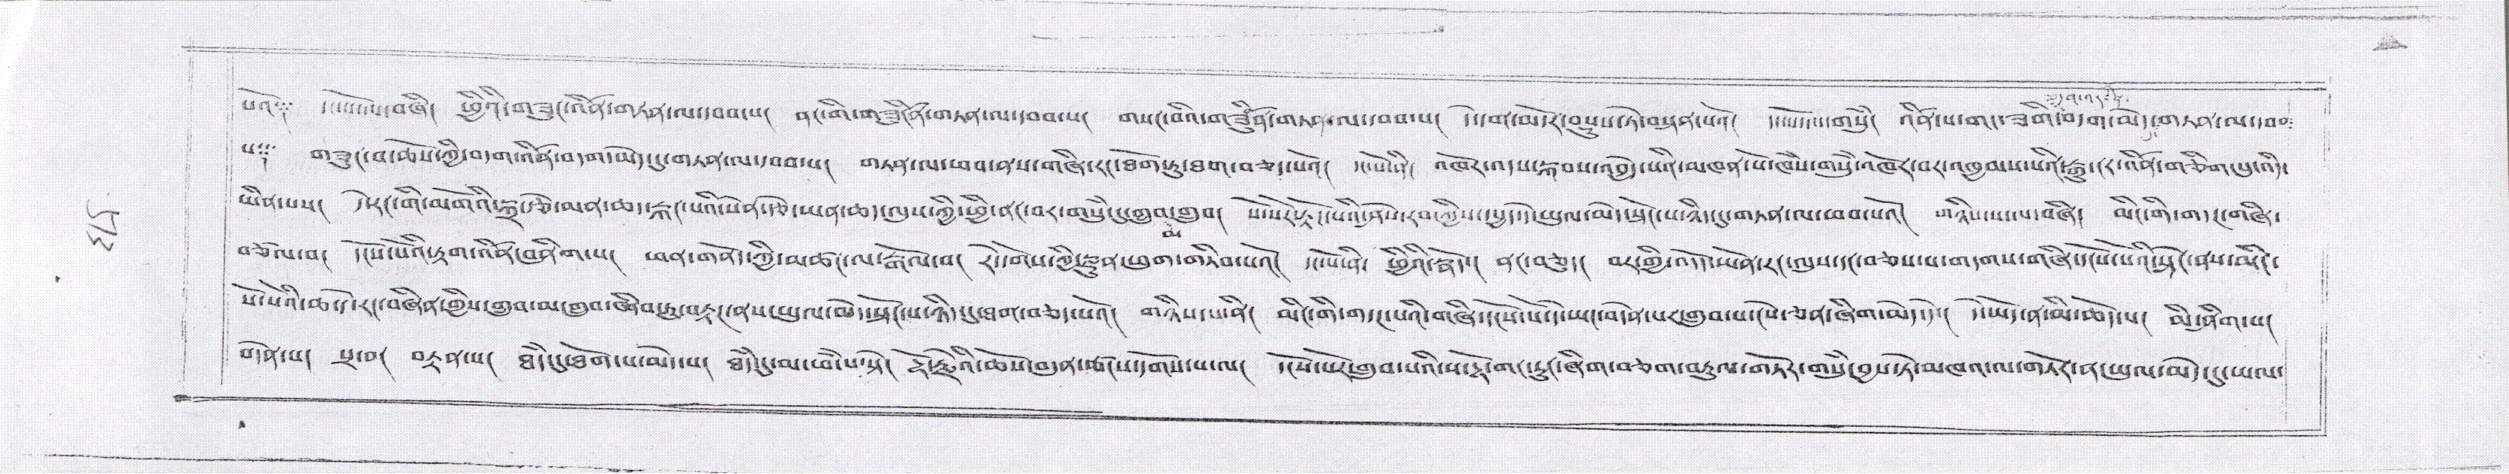པའོ། དང་པོ་ལ་བཞི། ཕྱིའི་གཟུང་འཛིན་གཏན་ལ་དབབ་པ། ནང་གི་གཟུང་འཛིན་གཏན་ལ་དབབ་པ། གསང་བའི་གཟུང་འཛིན་གཏན་ལ་དབབ་པ། དེ་དག་མདོར་བསྡུས་ཏེ་བསྟན་པའོ། དང་པོ་ལ་གསུམ། འཛིན་པ་གང་ཟག་གི་བདག་མེད་གཏན་ལ་དབབ་
པ། གཟུང་བ་ཆོས་ཀྱི་བདག་འཛིན་བདག་མེད་དུ་གཏན་ལ་དབབ་པ། གཏན་ལ་ཕབ་ནས་གཞི་རང་ཐོག་ཏུ་ཐག་བཅད་པའོ། དང་པོ་ནི། འཁོར་འདས་སྐབས་འབྱེད་པའི་མཁན་པོ་ཁམས་གསུམ་འཁོར་བར་འཁྱམས་པའི་རྒྱུ་ངར་འཛིན་གཅིག་པུ་འདི་
ཡིན་པས། དེ་རང་གི་མགོ་ཡི་སྐྲ་རྩེ་མན་ཆད་རྐང་པའི་སེན་རྩེ་ཡན་ཆད་ལུས་ཀྱི་ཕྱི་ནང་བར་གསུམ་དུ་གྲུབ་མ་གྲུབ། སོ་སོར་རྟོགས་པའི་ཤེས་རབ་ཀྱིས་དཔྱད་དེ་ཡུལ་མེད་སྟོང་པ་ཉིད་དུ་གཏན་ལ་ཕབ་པའོ། གཉིས་པ་ལ་བཞི། མིང་གི་གདགས་གཞི་
བཙལ་བ། དངོས་པོའི་རྟག་འཛིན་བཤིག་པ། ཕན་གནོད་ཀྱི་འཚང་ལ་རྒོལ་བ། རེ་དྭོགས་ཀྱི་རྫུན་ཕུག་རྟིབ་པའོ། དང་པོ་ནི། ཕྱིའི་སྣོད། ནང་གི་བཅུད། བར་གྱི་འདོད་ཡོན་རང་ལུས་དང་བཅས་པ་གདགས་གཞི་དངོས་པོའི་སྟེང་ནས་མིང་
སོ་སོའི་ཆོས་རང་བཞིན་གྱིས་གྲུབ་མ་གྲུབ་ཞིབ་ཏུ་བརྟགས་ནས་ཡུལ་མེད་སྟོང་པ་ཉིད་དུ་ཐག་བཅད་པའོ། །གཉིས་པ་ནི། མིང་གི་གདགས་པའི་གཞི་དངོས་པོ་དེ་ཡང་བདེན་པར་གྲུབ་པ་ངེས་ཅན་ཞིག་མེད་དེ། དེ་ཡོད་ན་མི་ཆོད་པ། མི་ཤིག་པ། 
བདེན་པ། སྲ་བ། བརྟན་པ། ཐམས་ཅད་དུ་ཐོགས་པ་མེད་པ། ཐམས་ཅད་དུ་མ་ཕམ་པ་སྟེ། རྡོ་རྗེའི་ཆོས་བདུན་ཚང་དགོས་པ་ལ། དངོས་པོར་གྲུབ་པའི་ས་རྡོ་གང་རུང་ཞིག་བཅག་བཏུལ་གཏོར་གསུམ་བྱས་ཏེ་མཁའ་ལ་གཏོར་ན་ཡུལ་མེད་དུ་ཡལ་